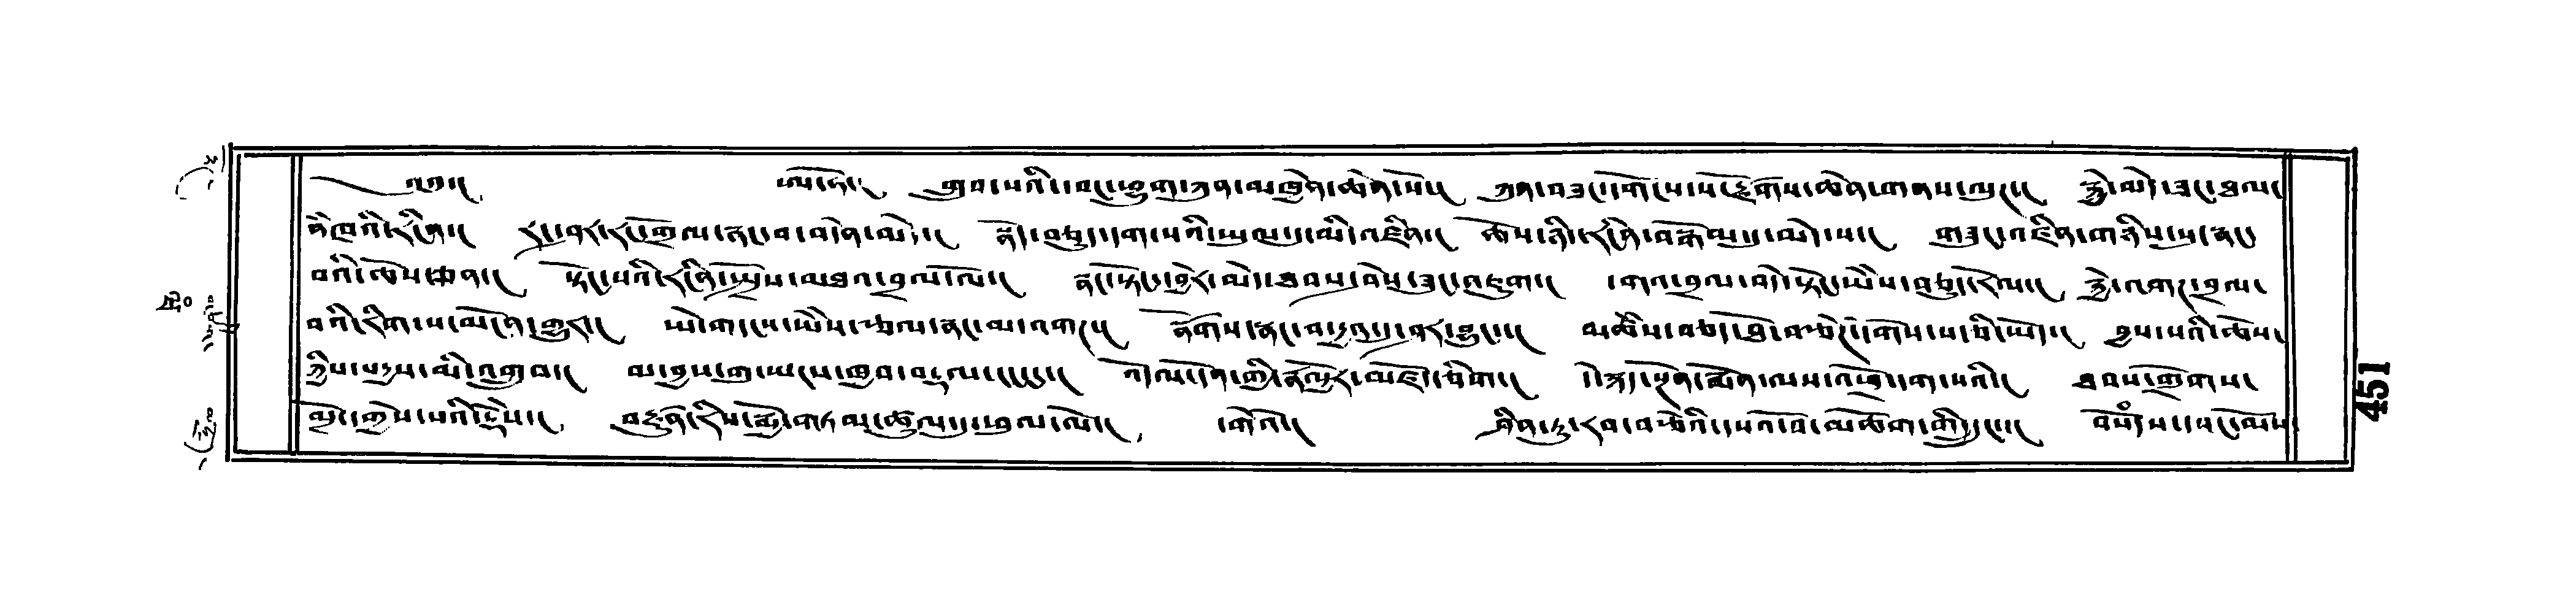ཨ་ཧོ། གྲུབ་པའི་དབང་ཕྱུག་ཀུན་མཁྱེན་ཆེན་པོ། །ཀུན་བཟང་དགོངས་པ་རྫོགས་ཆེན་གནས་ལུགས། །སྐྱེ་མེད་ཟང་ཐལ་
ནམ་མཁའི་རང་བཞིན། །རང་ཤར་རང་གྲོལ་སྣང་བ་བདེན་མེད། །སྣོད་བཅུད་དག་པའི་ཡུལ་དུ་མི་འཛིན། །ཆོས་ཉིད་རང་བཞིན་བསྒོམ་དུ་མེད་པ། །གཟུང་འཛིན་གཉིས་སུ་སྣང་
བའི་ཆོས་ཅན། །སྟོང་པའི་རང་བཞིན་སྤྲོས་མཐའ་བྲལ་ལོ། །སྣང་སྟོང་དབྱེར་མེད་ཐབས་ཤེས་ཟུང་འཇུག །དགའ་བྲལ་བདེ་སྟོང་ཡེ་ཤེས་བཅུད་རོལ། །སྐྱེ་འགག་བྲལ་
བའི་རིག་པ་མངོན་གྱུར། །ཡེ་གདངས་ཡེ་ཤེས་རྩལ་སྣང་མ་འགགས། །སྣ་ཚོགས་སྣང་བ་རྒྱན་དུ་ཤར་བྱུང་། །མཚམས་བཅད་ཐོ་བརྩེགས་དགོས་པ་ཅི་ཡོད། །བྱས་པའི་ཆོས་
ཀྱིས་སངས་རྒྱས་མི་འགྲུབ། །མ་བྱས་གུ་ཡངས་ཁྱབ་བརྡལ་ངང་དུ། །འོད་གསལ་དོན་གྱིས་རྣལ་འབྱོར་མཛོད་ཅིག །དེ་སྐད་སྔོན་སྨོན་ལས་འཕྲོ་དག་པའི། །ཐབས་གྲོགས་
མཁའ་འགྲོ་དགྱེས་པའི་རྡོ་རྗེས། །བརྫུན་རིས་སྨྱོ་གཏམ་ཚུལ་དུ་ཕུལ་ལོ། དགེའོ།། ཤིན་ཏུ་རབ་བརྩེའི་དཔའ་བོ་མཆོག་གི་དྲུང་། བསོད་ནམས་དབང་མོས་